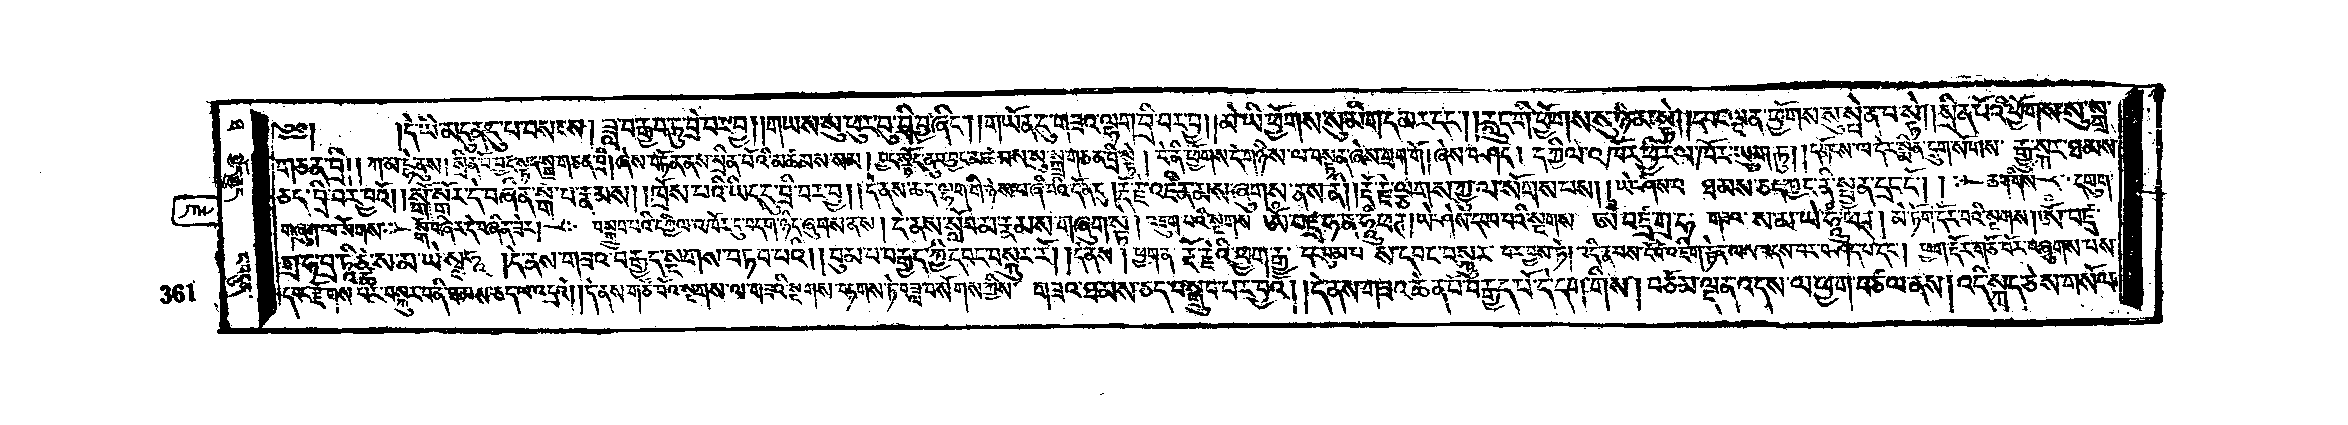༄༅། །དེ་ཡི་མདུན་དུ་པ་བསངས། ཟླ་བ་རྒྱབ་ཏུ་བྲེ་བར་བྱ། །གཡས་སུ་ཕུར་བུ་བྲི་བྱ་ཞིང་། །གཡོན་དུ་གཟའ་ལྷག་བྲི་བར་བྱ། །མེ་ཡི་ཕྱོགས་སུ་མིག་དམར་དང་། །རླུང་གི་ཕྱོགས་སུ་ཉི་མ་སྟེ། །དབང་ལྡན་ཕྱོགས་སུ་སྤེན་པ་སྟེ། །སྲིན་པོའི་ཕྱོགས་སུ་སྒྲ་
གཅན་བྲི། ། ཀ་མ་དྷེ་ནུས། སྲིན་པོ་བྱང་སྟད་སྒྲ་གཅན་བྲི། ཞེས་བཏོན་ནས་སྲིན་པོའི་མཚམས་སམ། བྱང་སྟོད་ནུབ་བྱང་མཚམས་སུ་སྒྲ་གཅན་བྲི་སྟེ། དེ་ནི་ཕྱོགས་དེ་གཉིས་ལ་བསྟན་ཞེས་གྲག་གོ །ཞེས་བཤད།  དཀྱིལ་འཁོར་ཕྱི་རོལ་ཁོར་ཡུག་ཏུ། ། དགོངས་ལ་དེར་སྨིན་དྲུག་སོགས་རྒྱུ་སྐར་ཐམས་
ཅད་བྲི་བར་བྱའོ། །སྒོ་སྒོར་དེ་བཞིན་སྒོ་པ་རྣམས། །ཁྲོས་པའི་ཡིད་དུ་བྲི་བར་བྱ། ། དེ་ནས་ཆད་ལྷག་གི་ཉེས་པ་ཞི་བའི་དོན་དུ།  རྡོ་རྗེ་འཛིན་མས་ཞུགས་ནས་ནི། །རྡོ་རྗེ་འཛིན་མས་ཞུགས་ནས་ནི། །རྡོ་རྗེ་ལྕགས་ཀྱུ་ལ་སོགས་པས། ། ཡེ་ཤེས་པ་ཐམས་ཅད་ཀྱང་ནི་སྤྱན་དྲང་ངོ། །H.་ཆག་གིས་.H དགུག་
གཞུག་ལ་སོགས་H.་སྒོ་བཞིར་དེ་བཞིན་ཟེར། .H བསྒྲུབ་པའི་དཀྱིལ་འཁོར་དུ་བདག་ཉིད་ཞུགས་ནས། དེ་ནས་སློབ་མ་རྣམས་གཞུག་སྟེ། འཇུག་པའི་སྔགས་ཨོཾ་བཛྲ་ཧ་ན་ཧཱུཾ་ཕཊ། ཡེ་ཤེས་དབབ་པའི་སྔགས་ཨོཾ་བཛྲ་གྲ་ཧ་གཟའ་ས་མ་ཡེ་ཧཱུཾ་ཕཊ། མེ་ཏོག་དོར་བའི་སྔགས།  ཨོཾ་བཛྲ་
གྲ་ཧ་པྲ་ཏཱི་ཙྪ་ས་མ་ཡེ་སྭཱཧཱ། དེ་ནས་གཟའ་བརྒྱད་སྔགས་བཏབ་པའི། །བུམ་པ་བརྒྱད་ཀྱི་དབང་བསྐུར་རོ། ། དེ་ནས། ཕྱག་ན་རྡོ་རྗེའི་ཕྱག་རྒྱ་དང་བུམ་པ་ས་དབང་བསྐུར་པར་བྱས་ཏེ། འདི་རྣམས་ངོ་བོ་འཇིག་རྟེན་ལས་འདས་པར་བཤད་པ་དང་། ཕྱག་རྡོར་གཙོ་བོར་བཞུགས་པས་
དབང་རྫོགས་པར་བསྐུར་བ་ནི་ཐམས་ཅད་ལ་འདྲའོ། །དེ་ནས་གཙོ་བོའི་སྔགས་ལ་གཟའི་སྔགས་བཏགས་ཏེ་བཟླ་བ་སོགས་ཀྱིས་གཟའ་ཐམས་ཅད་བསྒྲུབ་པར་བྱའོ། །དེ་ནས་གཟའ་ཆེན་པོ་བརྒྱད་པོ་དེ་དག་གིས། བཅོམ་ལྡན་འདས་ལ་ཕྱག་བཙལ་ནས། འདི་སྐད་ཅེས་གསོལ་